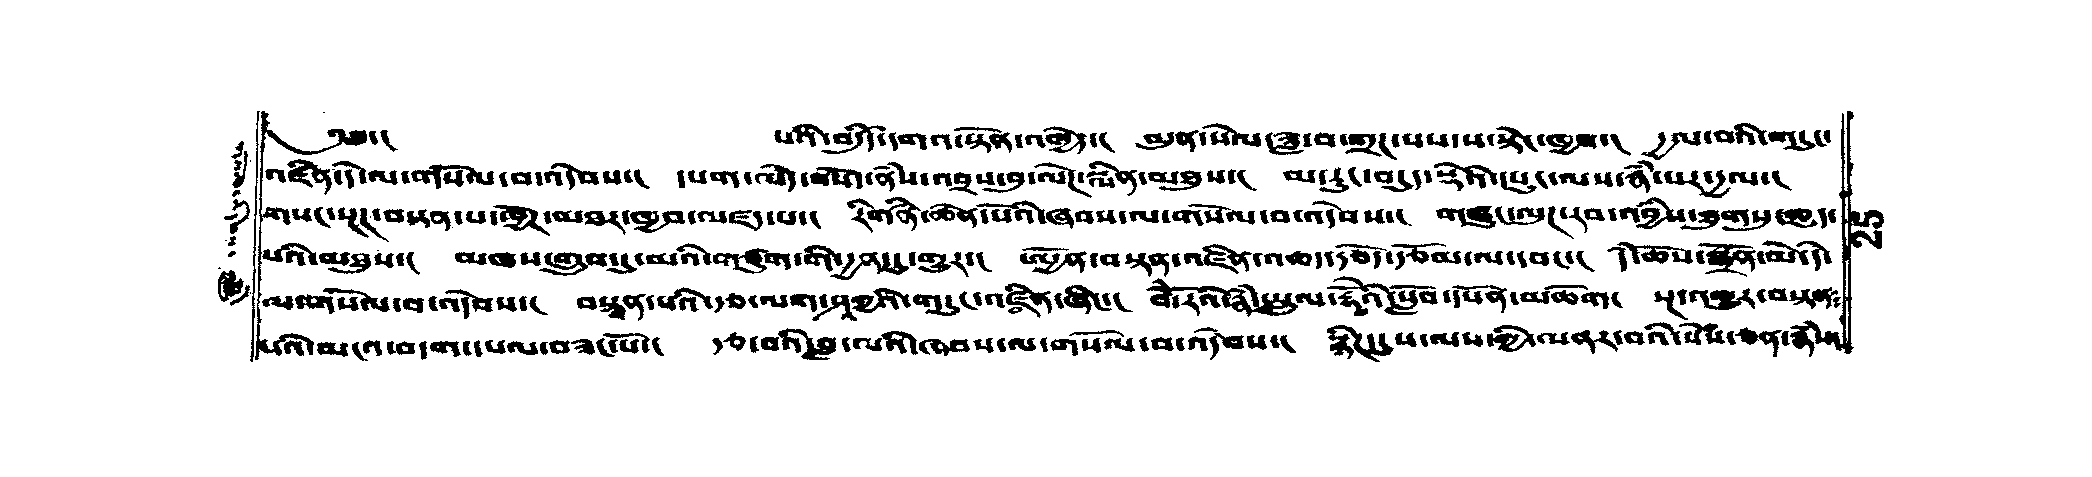པའི་བདུད་རྩི་དགའ་སྟོན་འགྱེད། །མུན་སེལ་ཟླ་བ་གྲགས་པས་ས་སྟེང་ཁྱབ། །རྒྱལ་བའི་གདུང་
འཛིན་དེ་ལ་གསོལ་བ་འདེབས། །དཔག་མེད་བསོད་ནམས་འབྲས་བུ་ལེགས་སྨིན་མཐུས། །མ་རུང་བདུད་སྡེའི་དཔུང་ལས་རྣམ་པར་རྒྱལ། །
གསང་སྔགས་བསྟན་པ་ཕྱོགས་མཐར་ཁྱབ་མཛད་པ། །རིག་འཛིན་ཆེན་པོའི་ཞབས་ལ་གསོལ་བ་འདེབས། །གཞུང་ལུགས་རབ་འབྱམས་ཐུགས་སུ་ཆུད་
པའི་མཐུས། །མཁས་གྲུབ་དུ་མའི་གཙུག་གི་རྒྱན་དུ་གྱུར། །ཨོ་རྒྱན་བསྟན་འཛིན་འཆད་རྩོད་རྩོམ་ལ་དབང་། །དམ་ཆོས་སྒྲོན་མེ་དེ་
ལ་གསོལ་བ་འདེབས། །བསྟན་པའི་རྩ་ལག་ཤཱཀྱའི་གདུང་འཛིན་ཞིང་། །བཻ་རོའི་རྣམ་སྤྲུལ་རྡོ་རྗེའི་སློབ་དཔོན་མཆོག།སྔ་འགྱུར་བསྟན་
པའི་མངའ་བདག་དཔལ་བཟང་པོ། །རྩ་བའི་བླ་མའི་ཞབས་ལ་གསོལ་བ་འདེབས། །སྙིགས་དུས་ལས་ཀྱི་མནར་བའི་སེམས་ཅན་རྣམས།